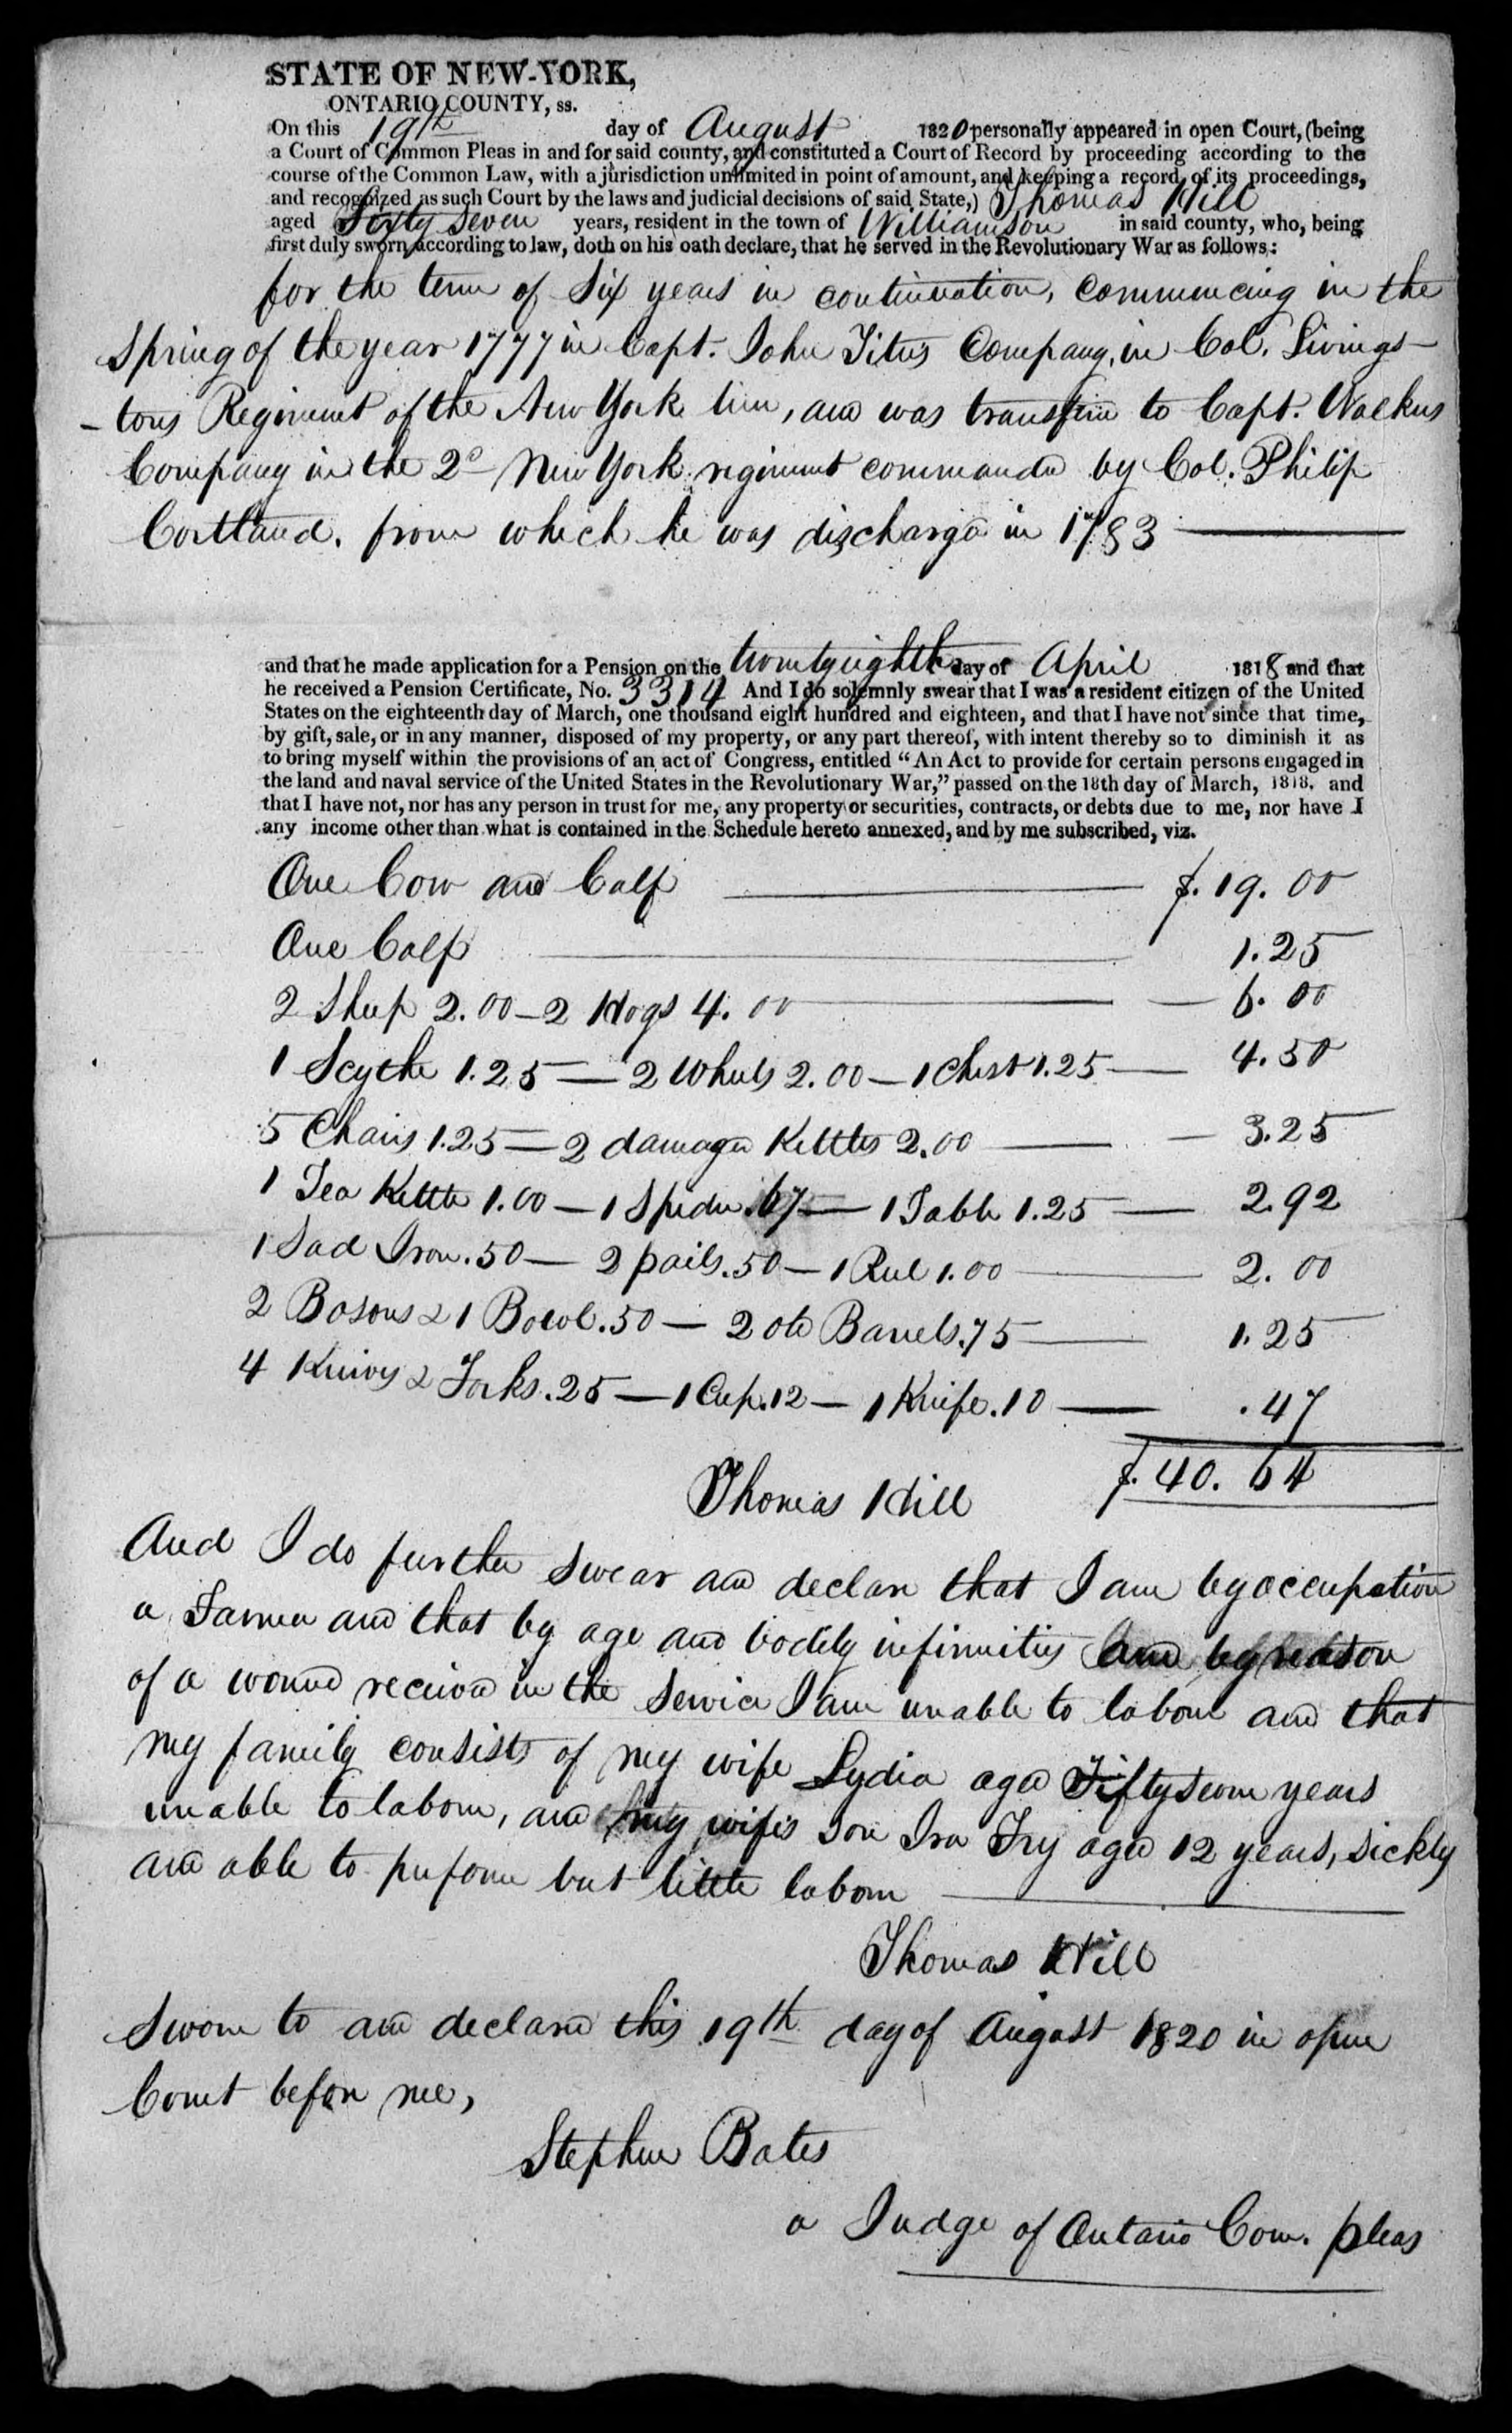[typed] State of New York, Ontario County, ss
On this [handwritten] 19th [typed] day of [handwritten] August [typed] 182 [handwritten] 0 [typed] personally appeared in open Court, (being a Court of Common Pleas in and for said county, and constituted a Court of Record by proceeding according to the course of the Common Law, with a jurisdiction unlimited in point of amount, and keeping a record of its proceedings, and recognized as such Court by the laws and judicial decisions of said State,) [handwritten] Thomas Hill [typed] aged [handwritten] sixty seven [typed] years, resident in the town of [handwritten] Williamson [typed] in said county, who, being first duly sworn according to law, doth on his oath declare, that he served in the Revolutionary War as follows:
[handwritten] for the time of six years in continuation, commencing in the spring of the year 1777 in Capt. John Titus Company, in Col. Livingston's Regiment of the New York line, and was transferred to Capt. Walkers Company in the 2nd New York regiment commanded by Col. Philip Cortland, from which he was discharged in 1783.
[typed] and that he made application for a Pension on the [handwritten] twenty eighth [typed] day of [handwritten] April [typed] 181 [handwritten] 8 [typed] and that he received a Pension Certificate, No. [handwritten] 3314 [typed] And I do solemnly swear that I was a resident citizen of the United States on the eighteenth day of March, one thousand eight hundred and eighteen, and that I have not since that time, by gift, sale, or in any manner, disposed of my property, or any part thereof, with intent thereby so to diminish it as to bring myself within the provisions of an act of Congress, entitled "An Act to provide for certain persons engaged in the land and naval service of the United States in the Revolutionary War," passed on the 18th day of March, 1818, and that I have not, nor has any person in trust for me, any property or securities, contracts, or debts due to me, nor have I any income other than what is contained in the Schedule hereto annexed, and by me subscribed, viz.
[handwritten]
One Cow and Calf             $19.00
One Calf                                1.25
2 sheep 2.00 - 2 Hogs 4.00 - 6.00
1 Scythe 1.25-2 wheels 2.00-1 chest 1.25 - 4.50
5 chairs 1.25-2 damaged kettles 2.00 - 3.25
1 tea kettle 1.00-1 spider .67-1 table 1.25 - 2.92
1 Sad Iron .50-2 pails .50-1 Rul 1.00 - 2.00
2 Bosuns & 1 Bowl .50-2 oto Bowls .75 - 1.25
4 knives & forks .25-1 cup .12-1 knife .10 - .47
[underline]
                                                $40.64
Thomas Hill
And I do further swear and declare that I am by occupation a farmer and that by age and bodily infirmity am by reason of a wound received in the service I am unable to labour and that my family consists of my wife Lydia age fifty seven years unable to labor, and my wife's son Isa Fry age 12 years, sickly and able to perform but little labour.
Thomas Hill
Sworn to and declared this 19th day of August 1820 in open Court before me,
Stephen Bates
a Judge of Ontario Com. Pleas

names: Ira Fry, John Titus, Philip Cortland, Thomas Hill, Thomas Hill, Stephen Bates, Lydia, Thomas Hill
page: 13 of 31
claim: survivor's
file: S. 43672, Thomas Hill, New York